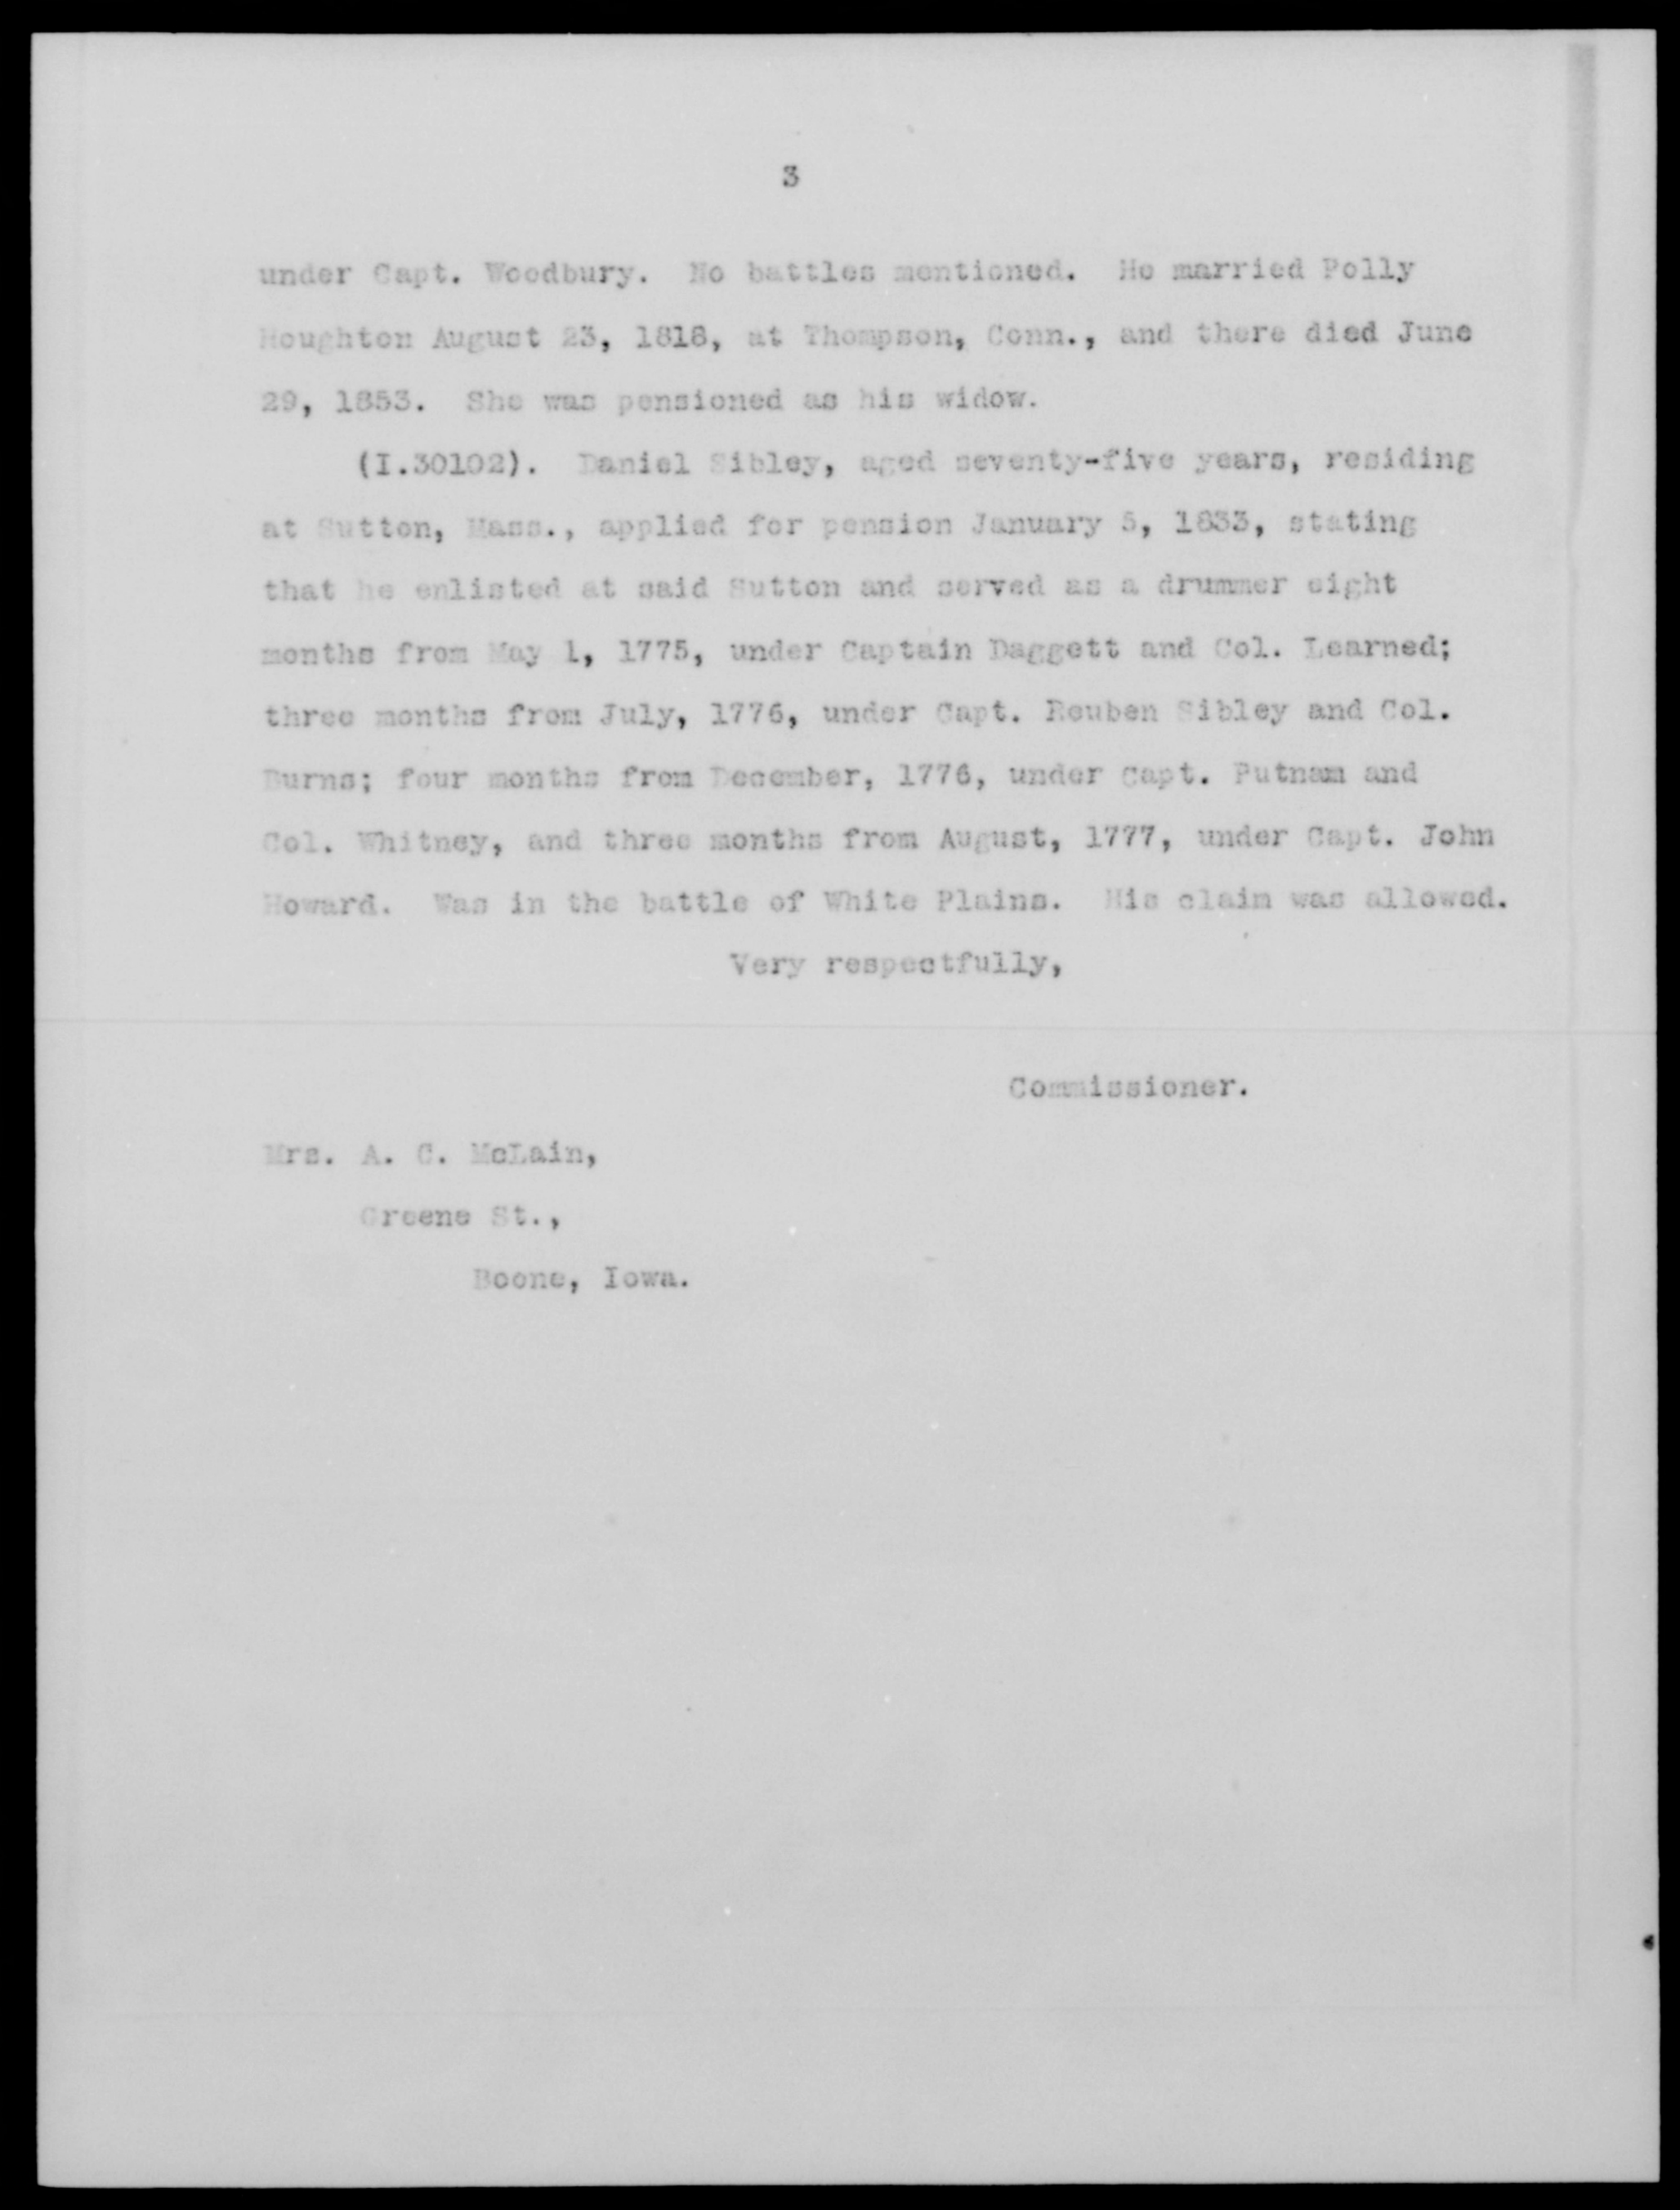under Capt. Woodbury.  No battles mentioned. He married Polly Houghton August 23, 1818, at Thompson, Conn., and there died June 29, 1853.  She as pensioned as his widow.
(I.30102), Daniel Sibley, aged seventy-five years, residing at Sutton, Mass., applied for pension January 5, 1833, stating that he enlisted at said Sutton and served as a drummer eight months from May 1, 1775, under Captain Daggett and Col. Learned; three months from July, 1776, under Capt. Reuben Sibley and Col. Burns; four months from December, 1776, under Capt. Putnam and Col. Whitney, and three months from August, 1777, under Capt. John Howard.  Was in the battle of White Plains.  His claim was allowed.
Very respectfully,
Commissioner,
Mrs. A. C. McLain,
Greene St.,
Boone, Iowa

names: Reuben Sibley; Polly Houghton; [BLANK] Whitney; [BLANK] Daggett; [BLANK] Putnam; John Howard; [BLANK] Woodbury; A C Mc Lain; [BLANK] Burns; [BLANK] Learned; Daniel Sibley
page: 24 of 24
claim: widow's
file: W. 15,338, for William Sibley, Massachusetts